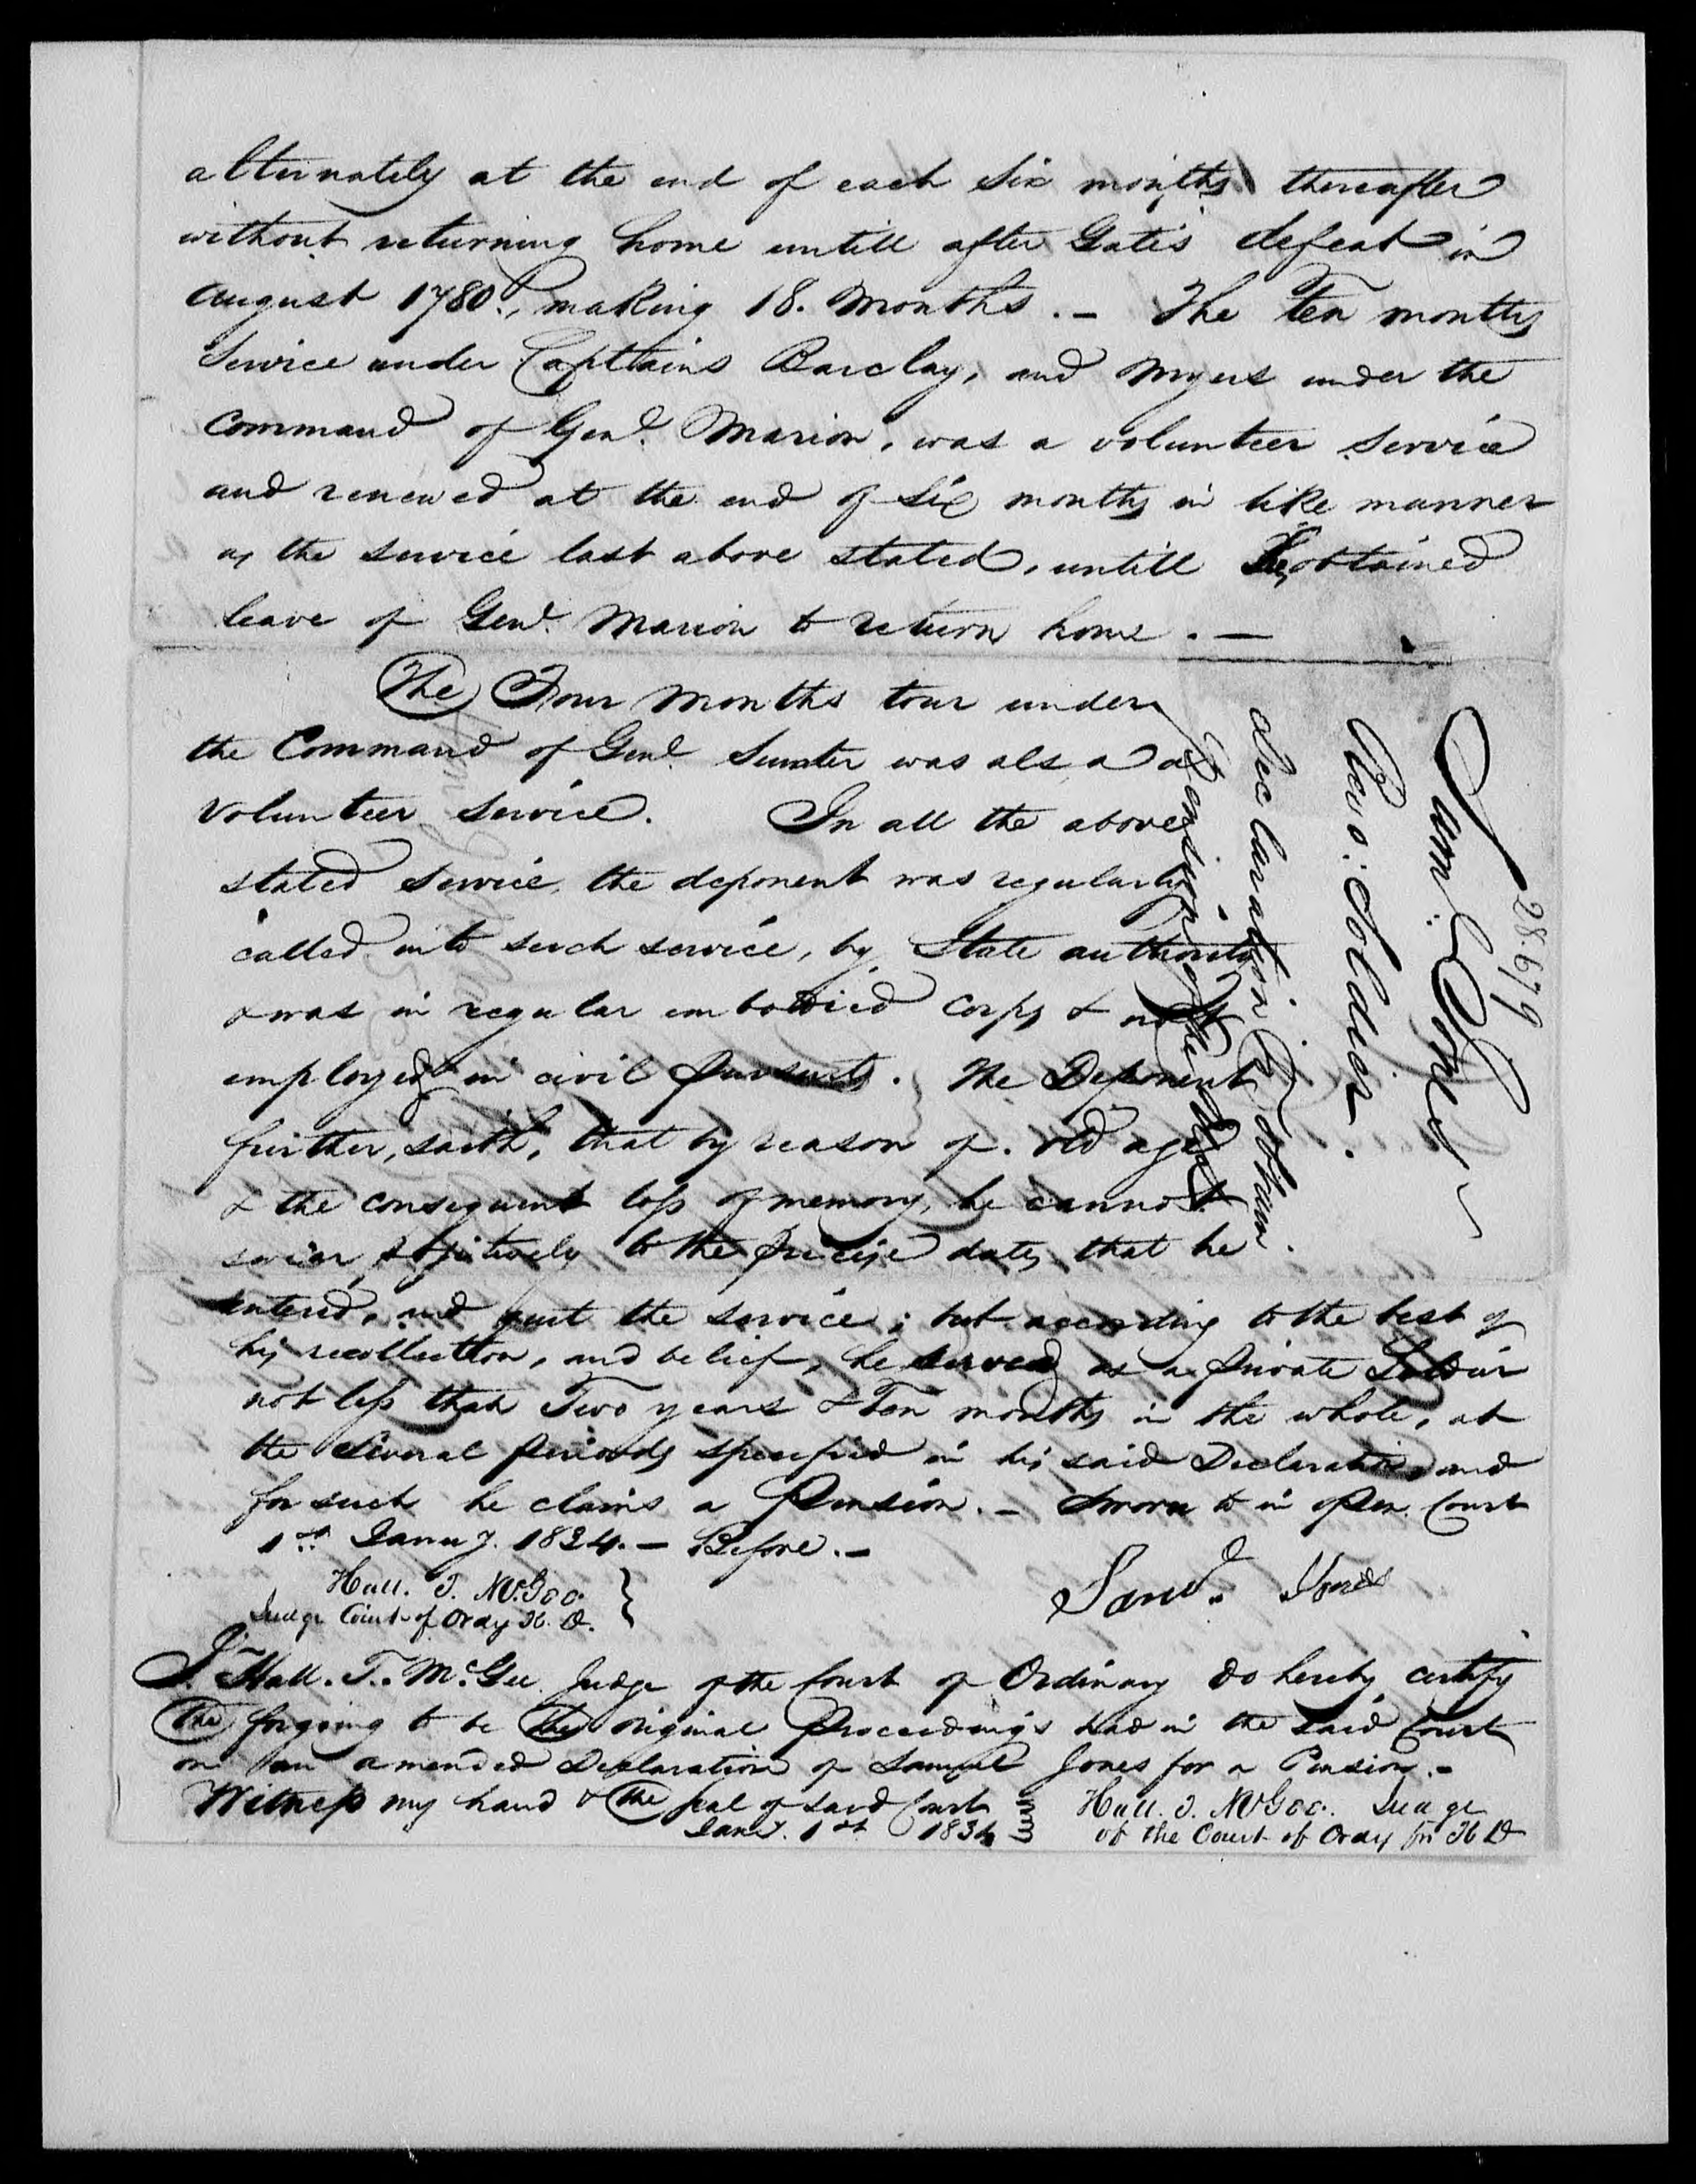alternately at the end of each Six months thereafter without returning home untill after Gates defeat in August 1780 making 18 months. The ten months Service under Captain Barclay, and Myers under the command of Genl Marion, was a volunteer service and renewed at the end of six months in like manner as the service last above stated, untill he obtained leave of Genl Marion to return home 
the four months tour under the command of Genl Sumter was also a Volunteer service In all the above stated service, the deponent was regularly called into such service, by State authority & was in regular embodied corps & employed in civil pursuit the Deponent further saith, that by reason of old age & the consiquent loss of memory, he cannot swear positively to the precise dates that he entered and [illegible] the service but according to the best of his recollection, and belief he served as a private [illegible] not less than Two years & ten months in the whole at the several periods specified in his said Declaration and for such he claims a Pension - Sworn to in open Court
1st january 1834 Before 
Hall T McGee.
Judge Court of Ordy K. O. 
Samuel Jones
I Hall T McGee Judge of the Court of Ordinary do hereby certify the foregoing to be the original proceedings had in the said Court on an amended Declaration of Samuel Jones for a Pension Witness my hand & the seal of said Court 
Jany 1st 1834
Hall T. McGov. 
Judge of the Court of Ordy for KD

28.679
Saml Jones
Revo: Soldier
Declaration to obtain pension of the US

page: 7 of 28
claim: survivor's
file: S. 21844, for Samuel Jones, South Carolina